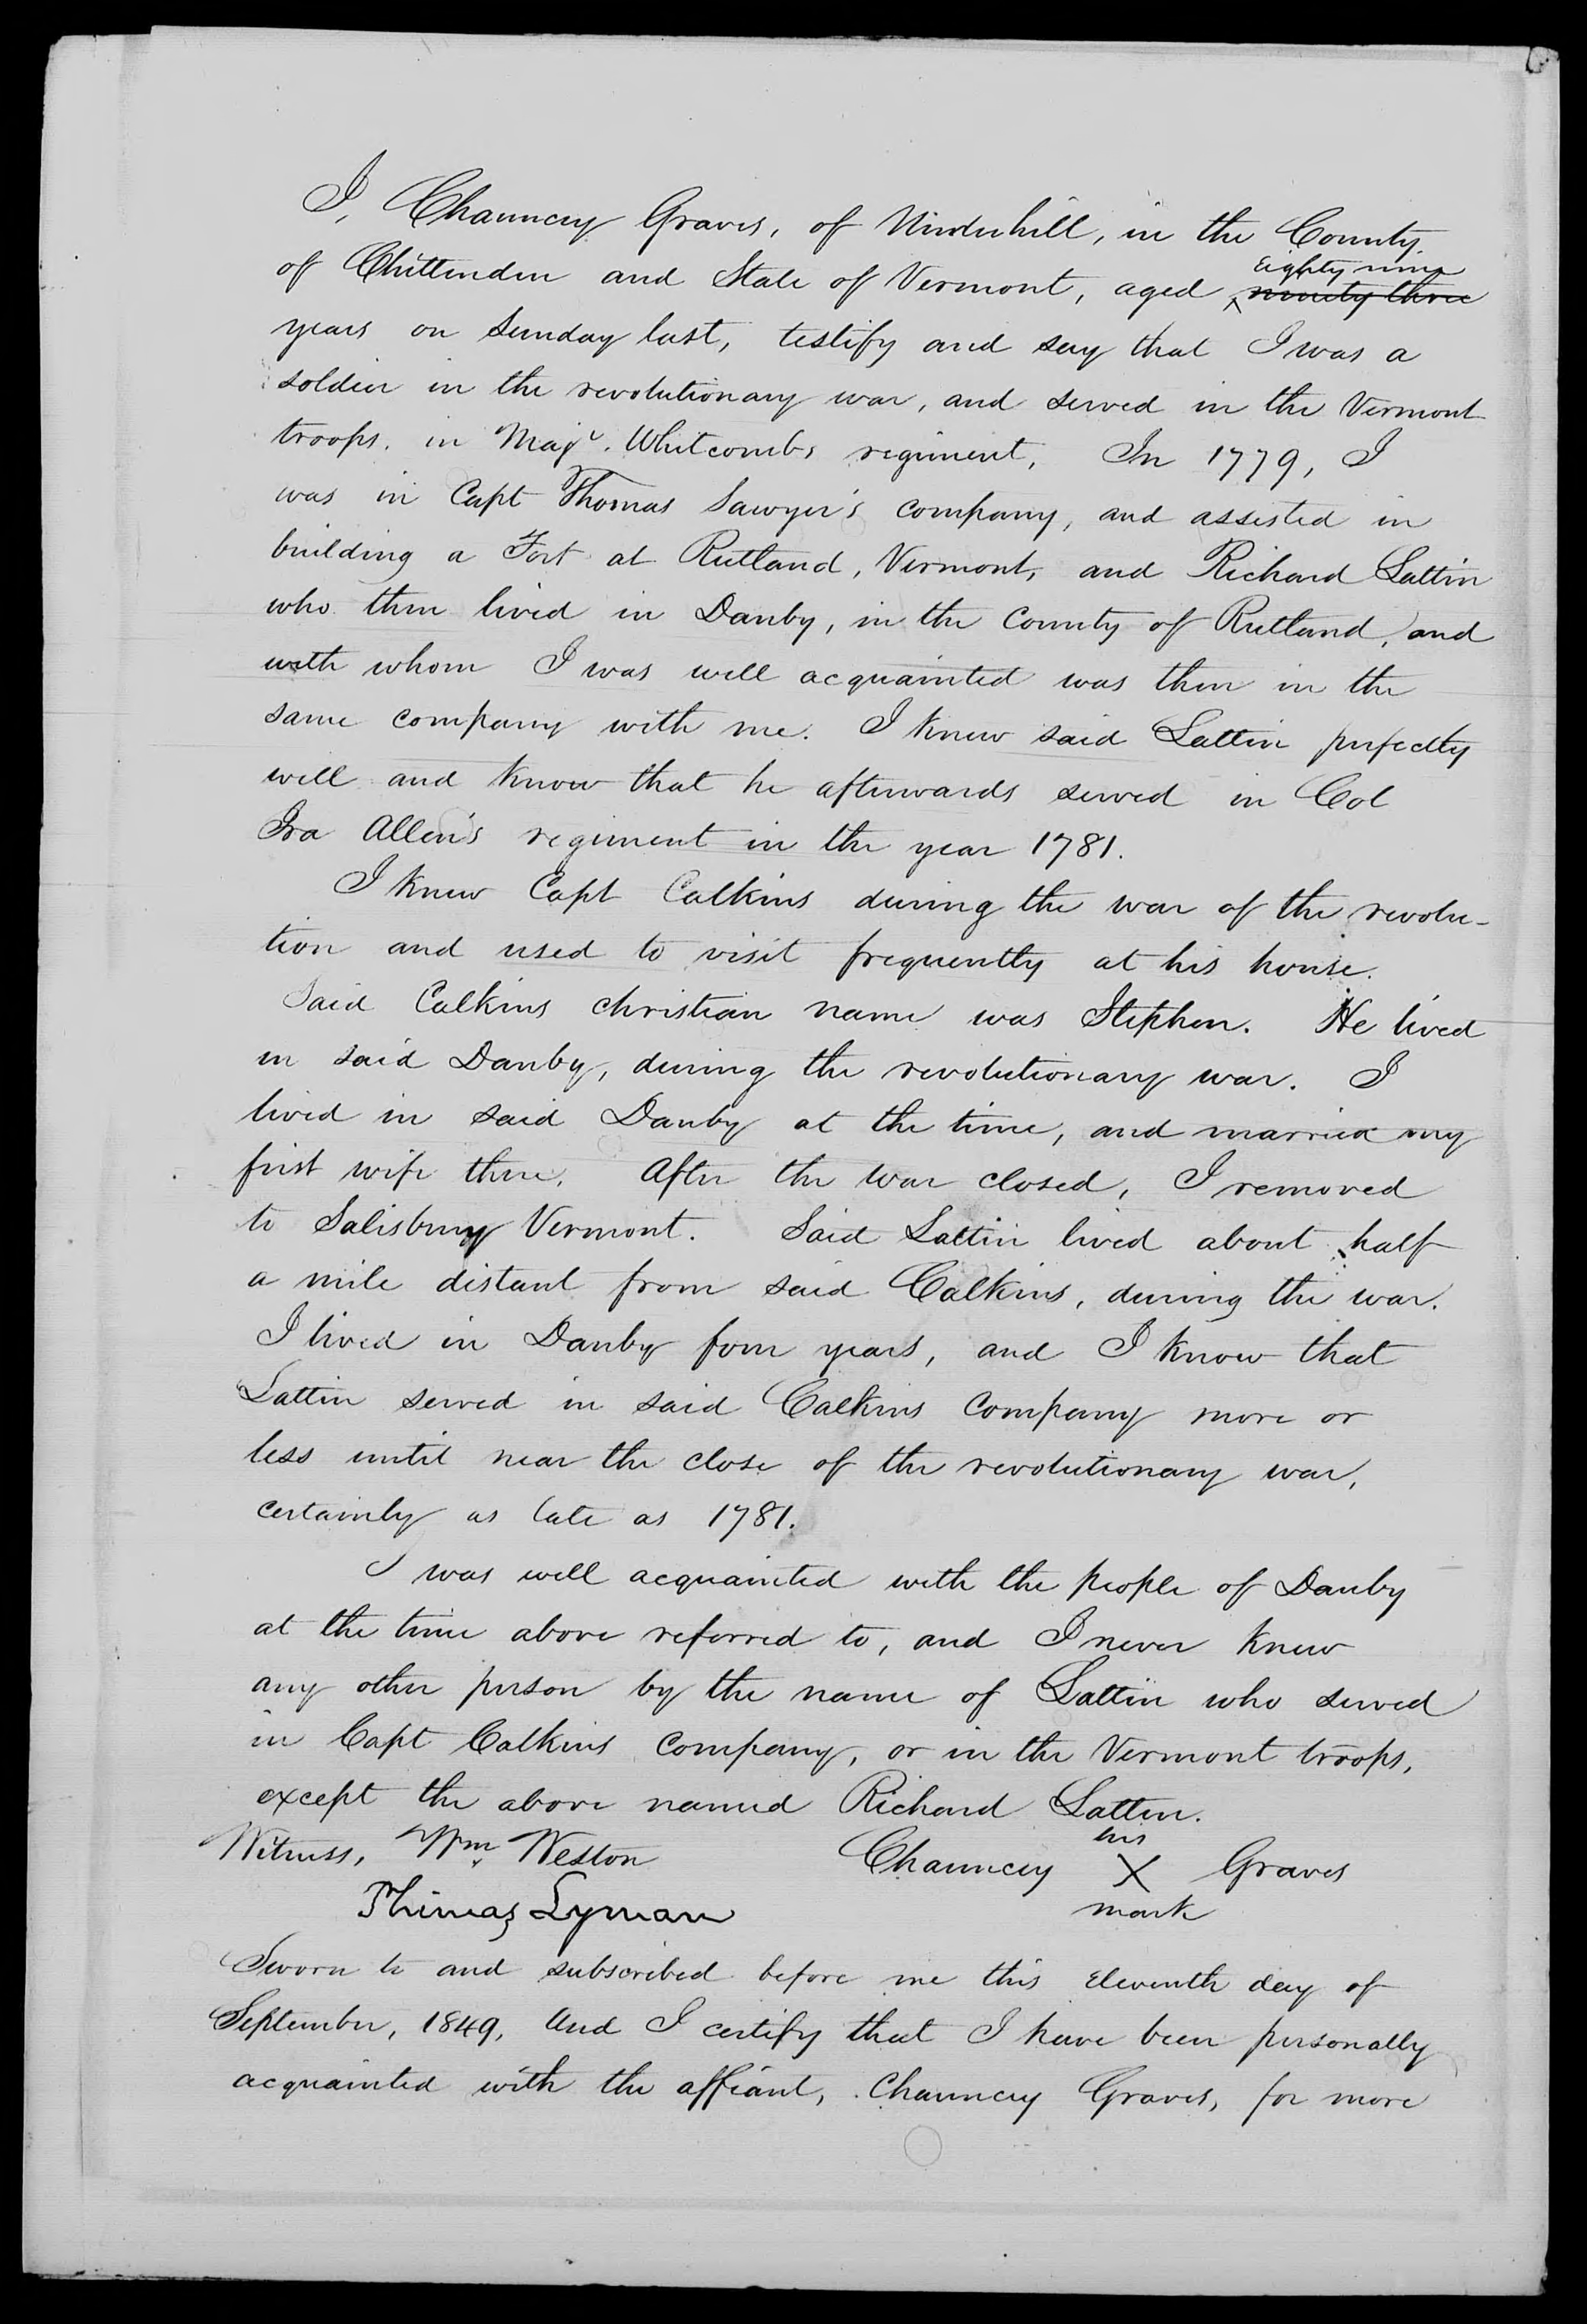I Chauncey Graves, of Underhill, in the County
of Chittenden and State of Vermont, aged eighty nine
years on Sunday last, testify and say that I was a
soldier in the revolutionary war, and served in the Vermont
troops, in Maj. Whitcomb’s regiment. In 1779, I
was in Capt Thomas Sawyer's company, and assisted in
building a Fort at Rutland, Vermont, and Richard Lattin
who then lived in Danby, in the County of Rutland and
with whom I was well acquainted was then in the same
company with me. I know said Lattin perfectly
well and know that he afterwards served in Col
Ira Allen's regiment in the year 1781.
I knew Capt Calkins during the war of the revolution
 and used to visit frequently at his house.
Said Calkin’s Christian name was Stephen.
He lived in said Danby, during the revolutionary war.
I lived in said Danby at the time, and married my first wife there.  After the war closed. I removed to Salisbury Vermont.
Said Lattin lived about half a mile distant from said Calkins, during the war. I lived in Danby four years, and I know that ┃
Lattin Served in said Calkins company more or
less until near the close of the revolutionary war
certainly as late as 1781.
I was well acquainted with the people of Danby
at the time above referred to, and I never knew
any other person by the name of Lattin who served
in Capt Calkins company, or in the Vermont troops,
except the above named Richard Lattin.
Chauncey Graves his mark
Witness
Wm Weston
Thomas Lyman

Sworn to and subscribed before me this Eleventh day of
September, 1849, and I certify that I have been personally
acquainted with the affiant, Chauncey Graves, for more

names: Richard Lattin; Stephen [BLANK]; Chauncey Graves; [BLANK] Calkins; Phineas Lyman; Wm Weston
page: 53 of 99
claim: widow's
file: W. 24,482, for Richard Lattin, Vermont